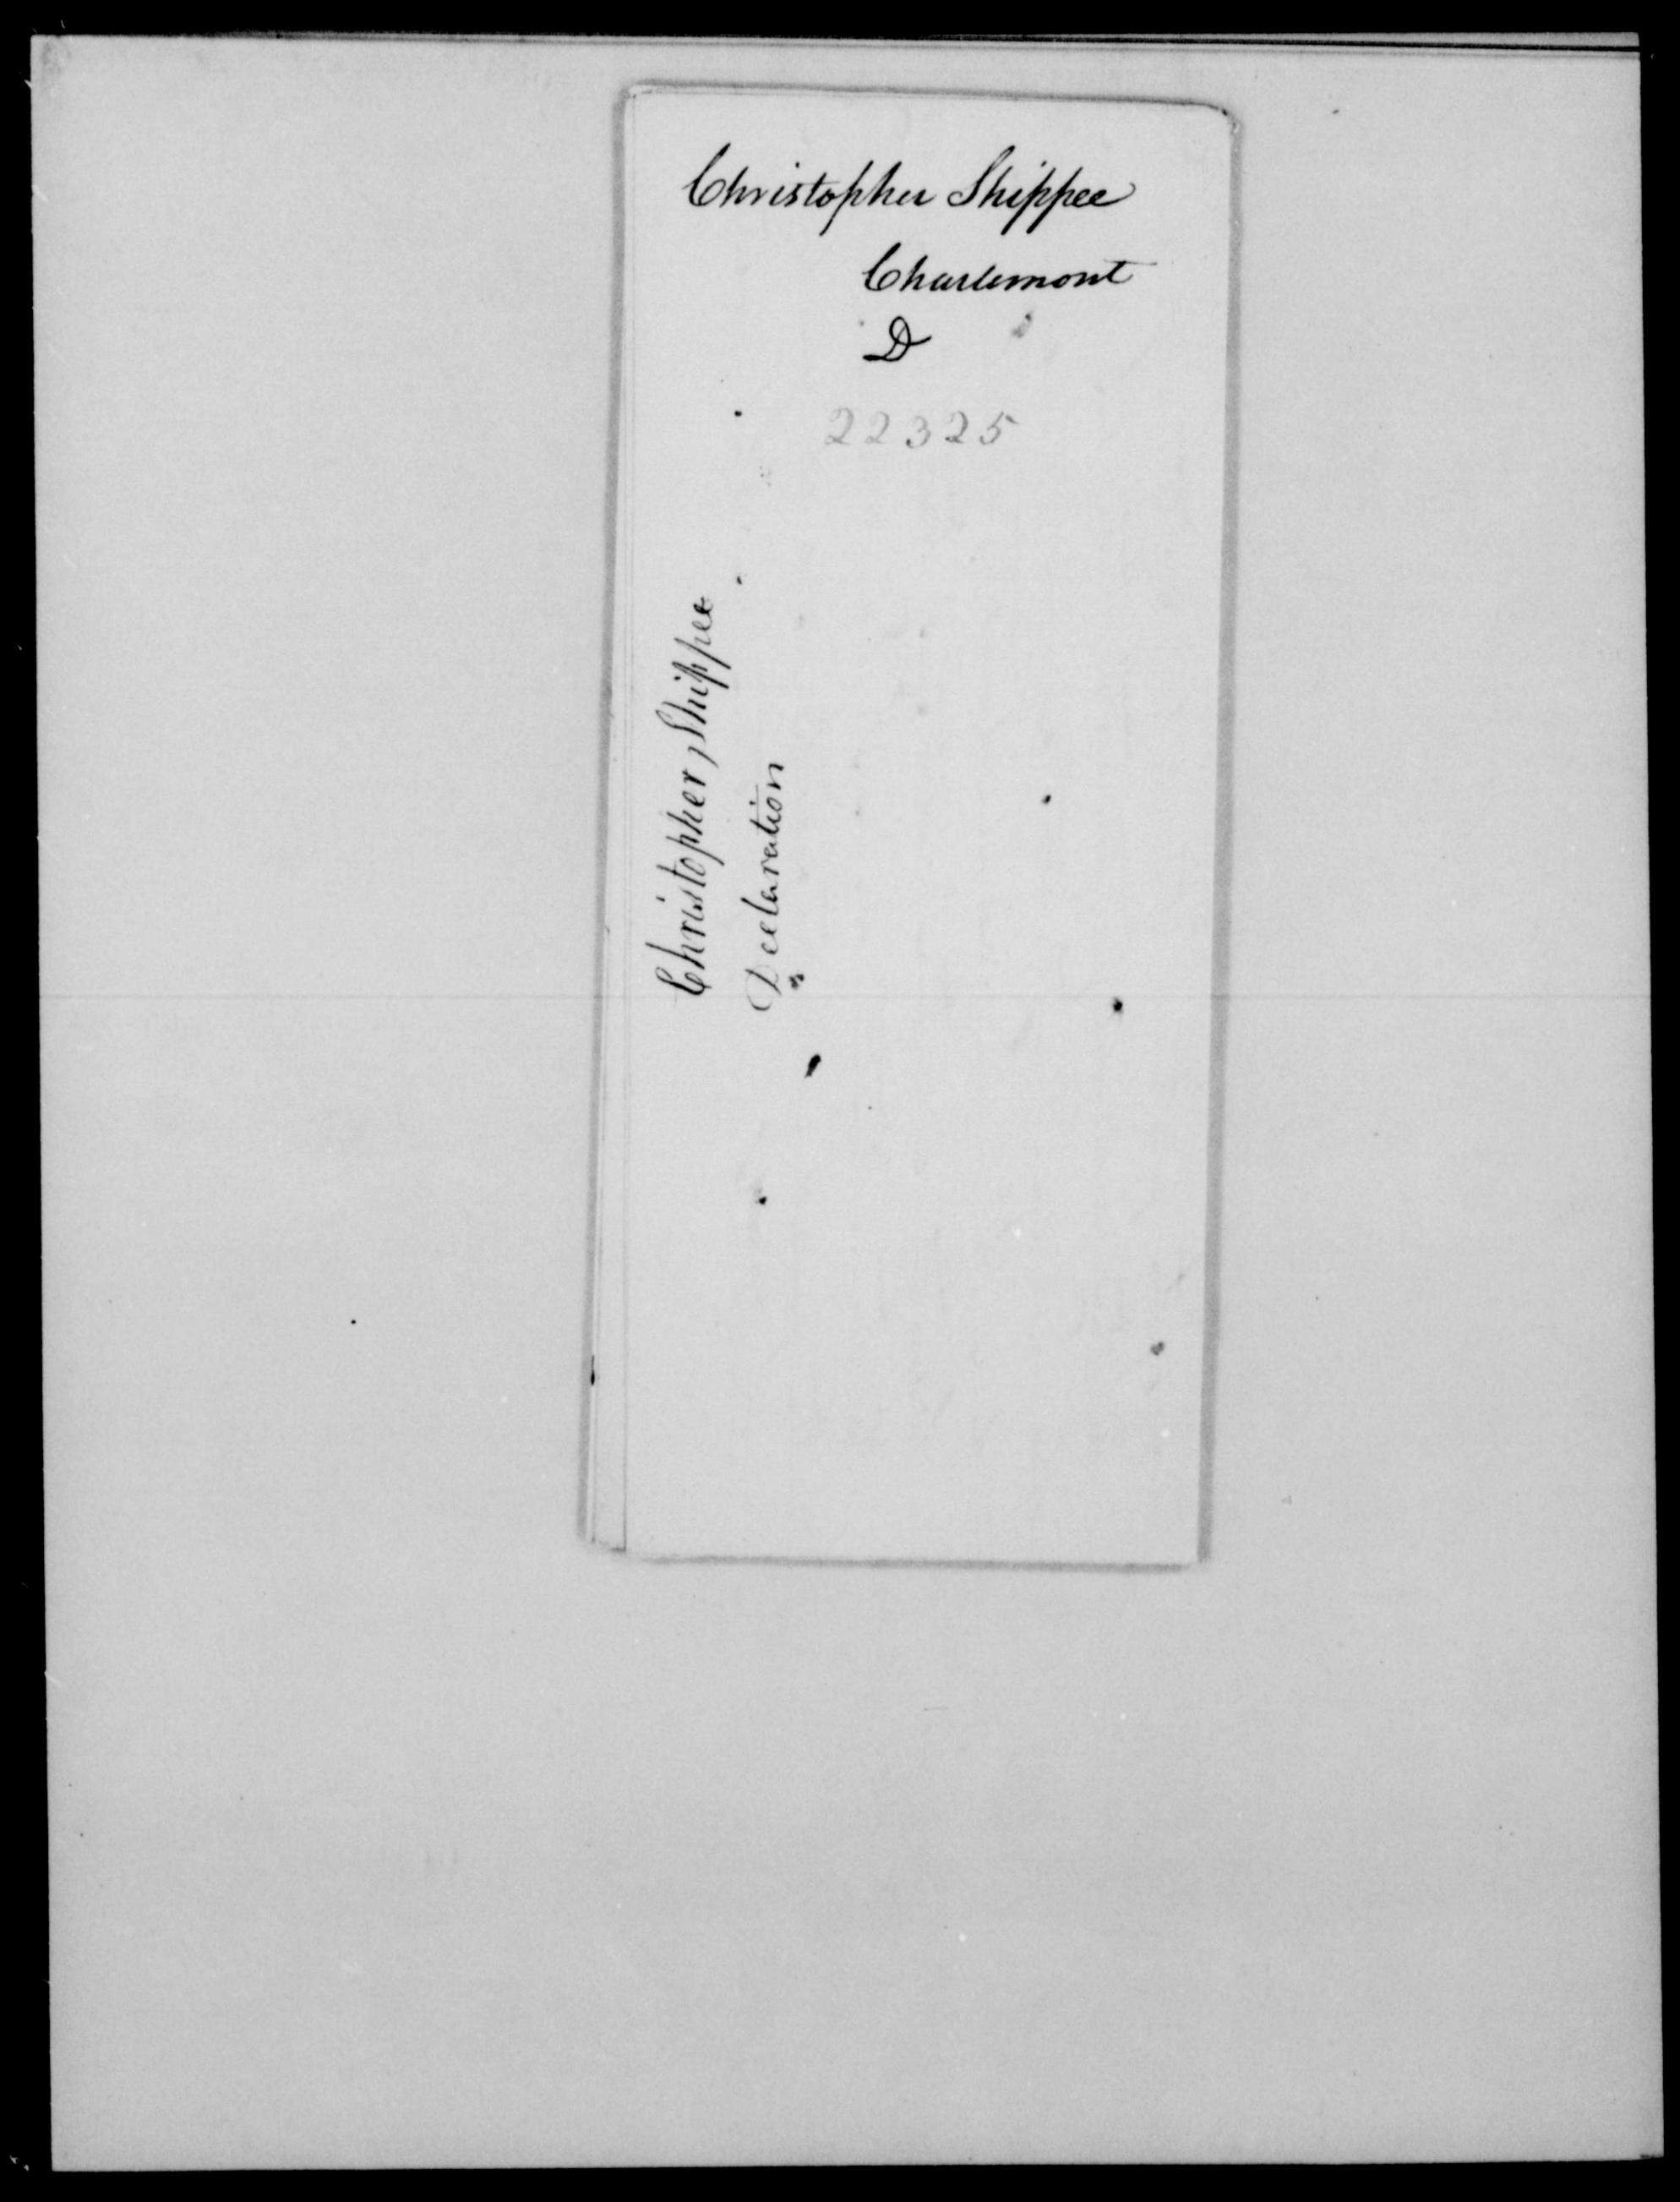Christopher Shippee
Charlemont
D
22325

Christopher Shippee 
Declaration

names: Christopher Shippee; Christopher Shippee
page: 5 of 20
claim: survivor's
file: S. 30,698, for Christopher Shippee, Rhode Island